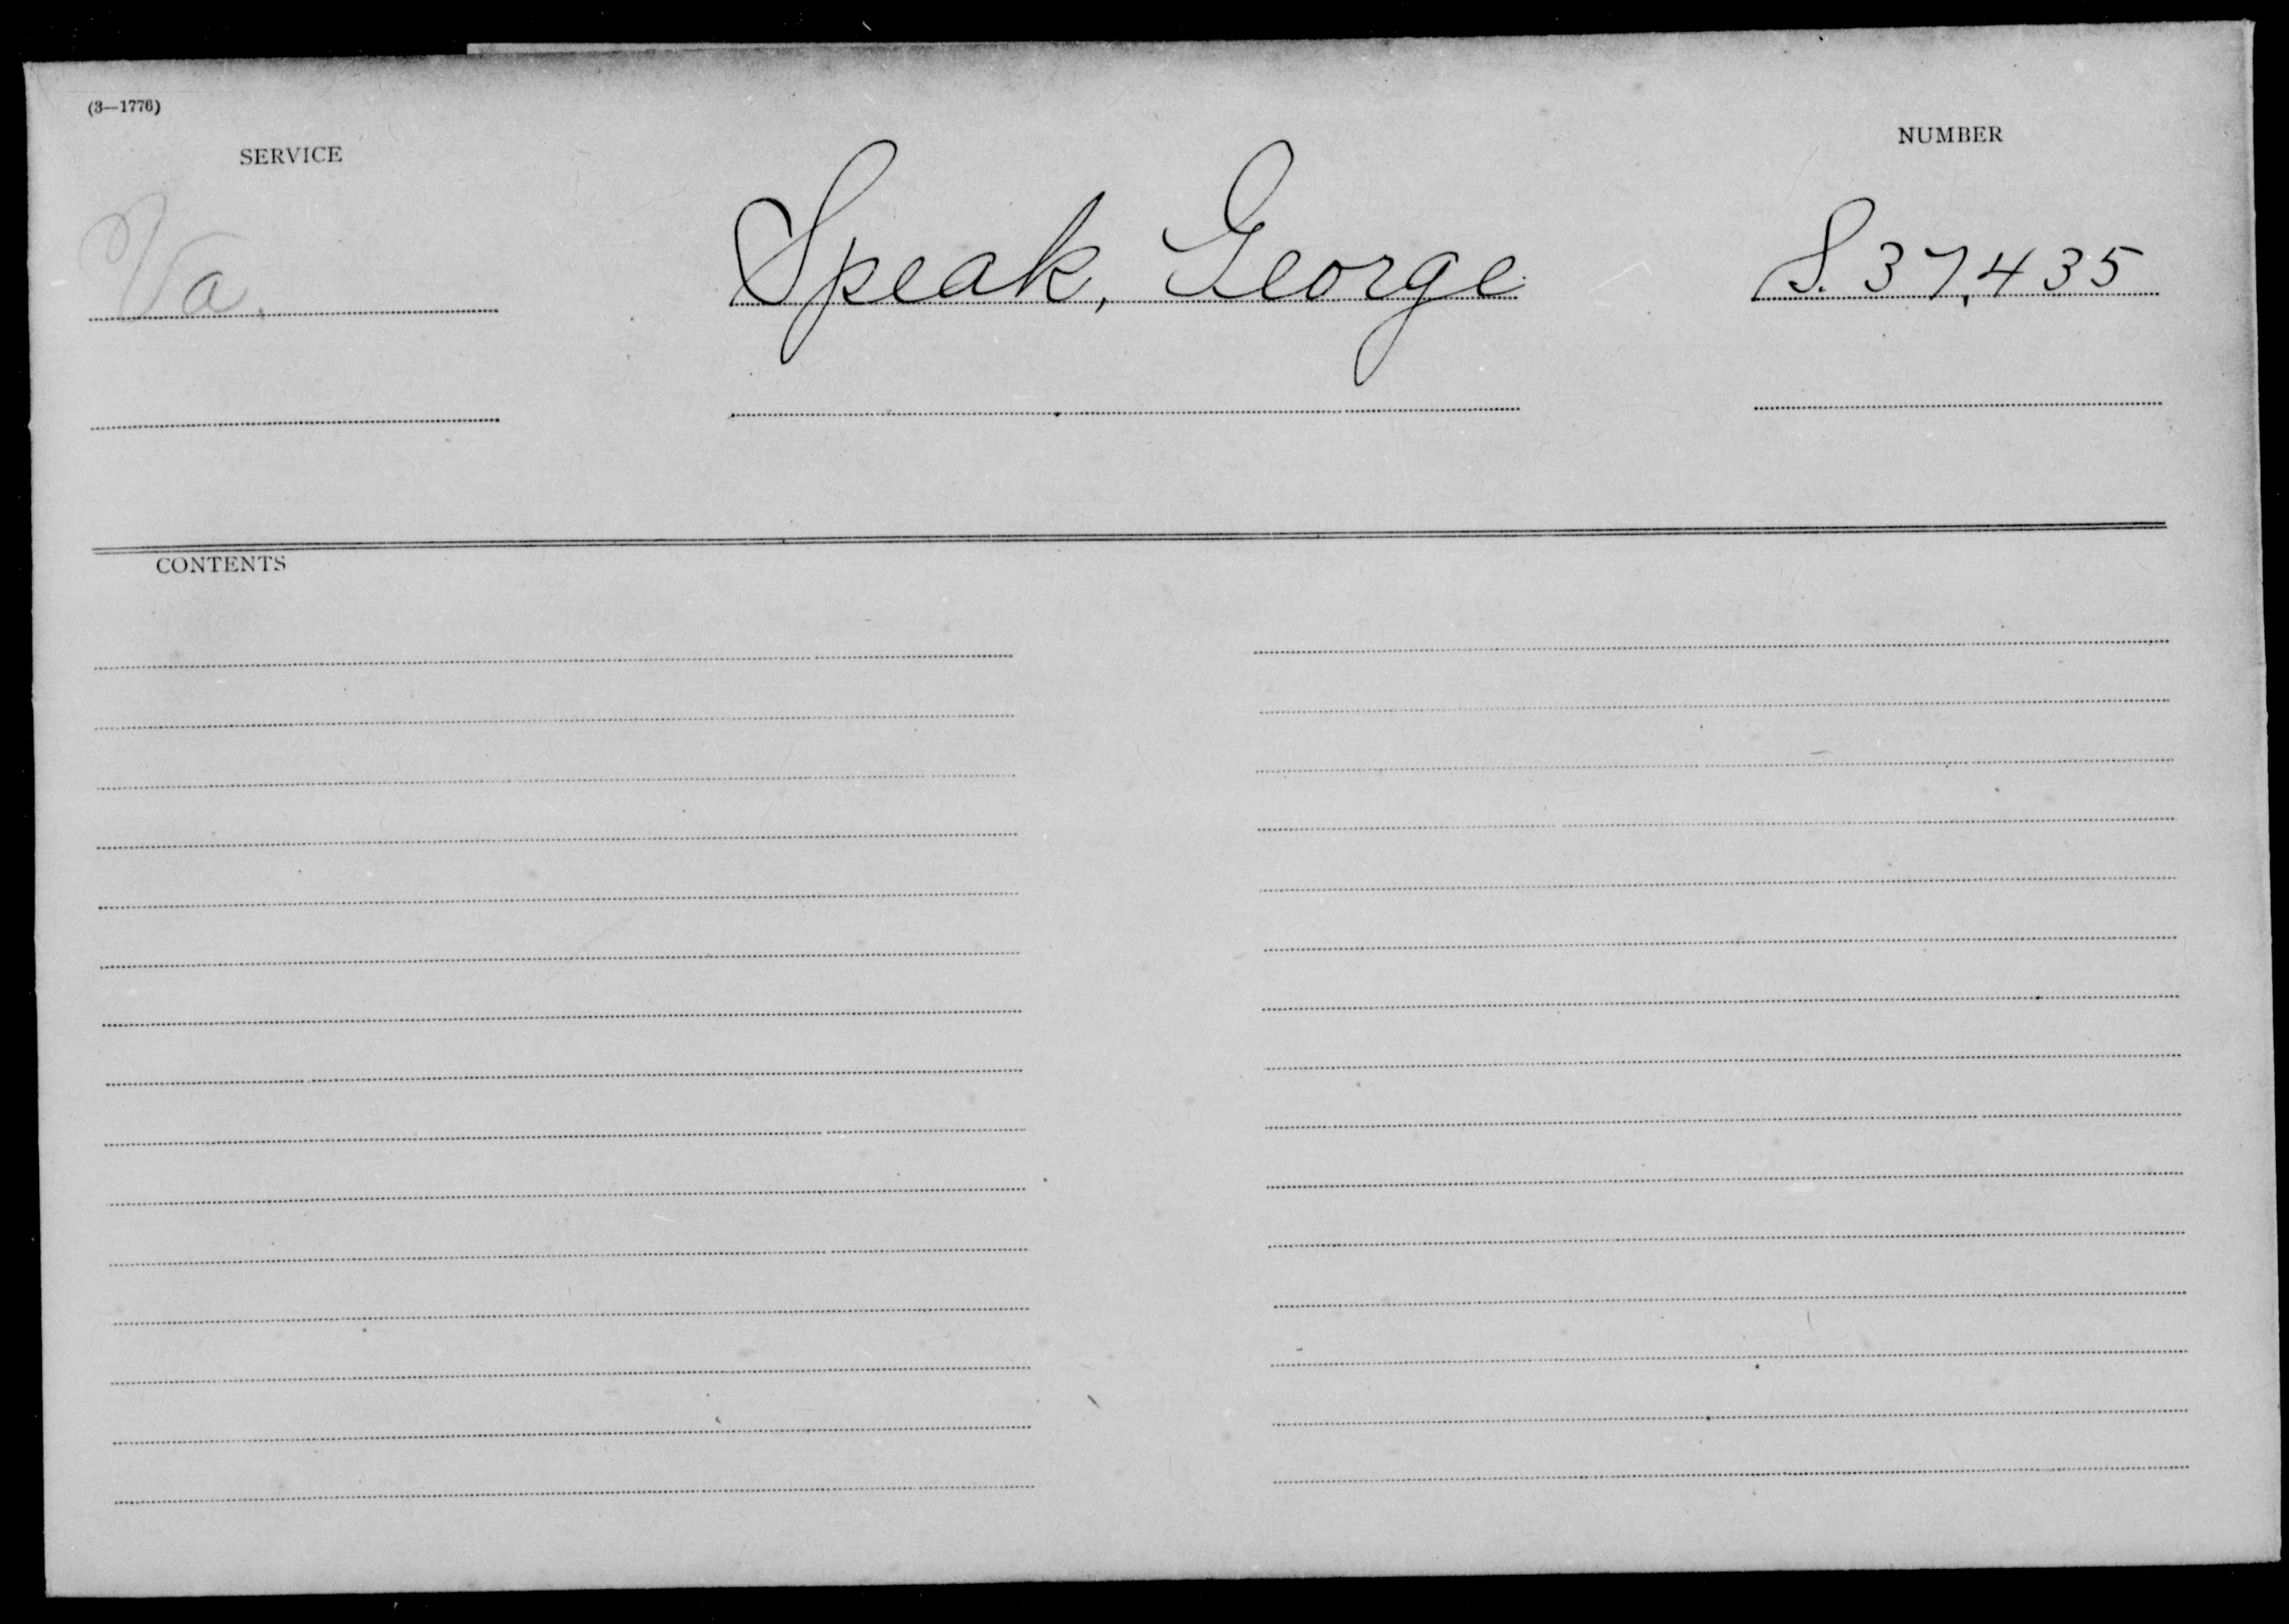(3-1776)
SERVICE
Va.
Speak, George
NUMBER
S. 37,435
CONTENTS
[blank]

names: [BLANK]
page: 1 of 15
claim: survivor's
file: S. 37,435, for George Speak, Virginia